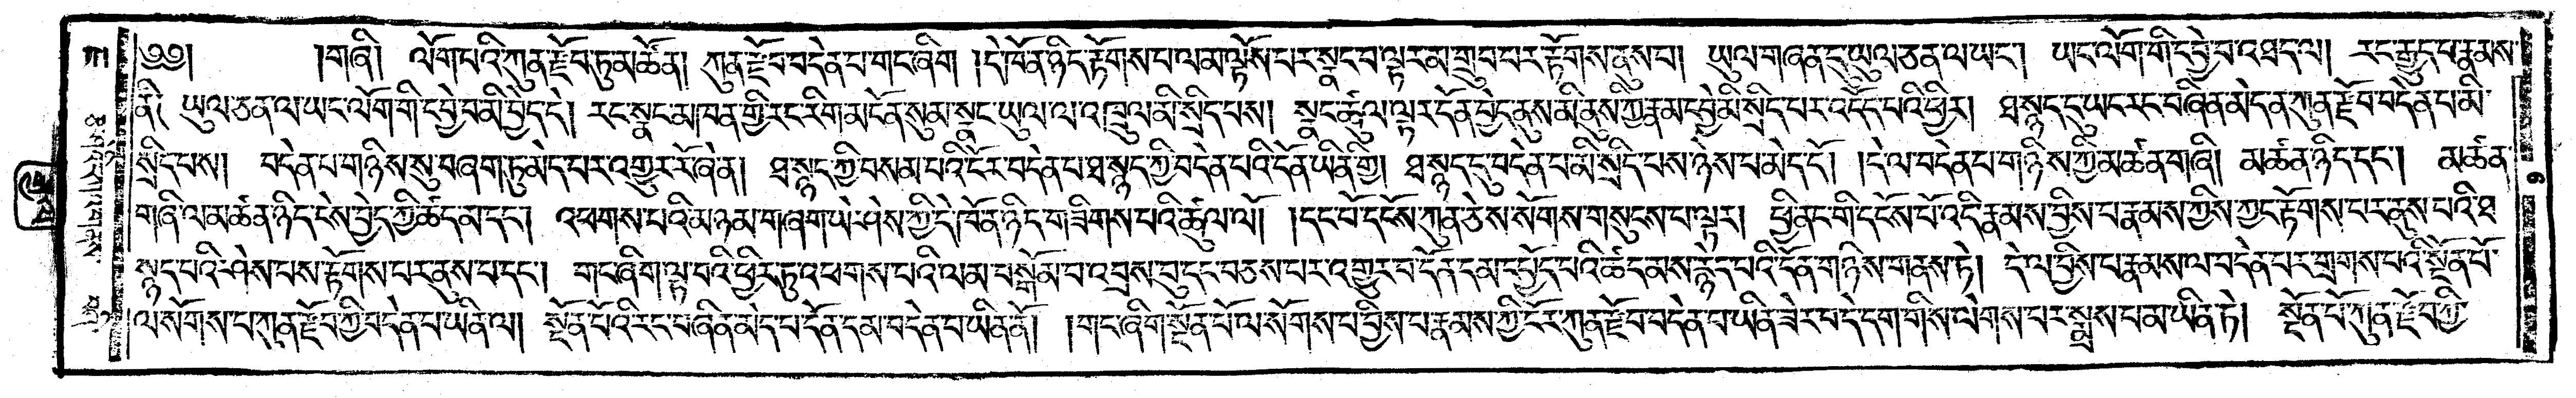༄༅། །གཞི། ལོག་པའི་ཀུན་རྫོབ་ཏུ་མཚོན། ཀུན་རྫོབ་བདེན་པ་གང་ཞིག །དེ་ཁོ་ན་ཉིད་རྟོགས་པ་ལ་མ་ལྟོས་པར་སྣང་བ་ལྟར་མ་གྲུབ་པར་རྟོགས་ནུས་པ། ཡུལ་གཞན་དུ་ཡུལ་ཅན་ལ་ཡང་། ཡང་ལོག་གི་དབྱེ་བ་འཐད་ལ། རང་རྒྱུད་པ་རྣམས་
ནི། ཡུལ་ཅན་ལ་ཡང་ལོག་གི་དབྱེ་བ་མི་བྱེད་དེ། རང་སྣང་མཁན་གྱི་རང་རིག་མངོན་སུམ་སྣང་ཡུལ་ལ་འཁྲུལ་མི་སྲིད་པས། སྣང་ཚུལ་ལྟར་དོན་བྱེད་ནུས་མི་ནུས་ཀྱི་རྣམ་དབྱེ་མི་སྲིད་པར་འདོད་པའི་ཕྱིར། ཐ་སྙད་དུ་ཡང་རང་བཞིན་མེད་ན་ཀུན་རྫོབ་བདེན་པ་མི་
སྲིད་པས། བདེན་པ་གཉིས་སུ་བཞག་ཏུ་མེད་པར་འགྱུར་རོ་ཞེ་ན། ཐ་སྙད་ཀྱི་བསམ་པའི་ངོར་བདེན་པ་ཐ་སྙད་ཀྱི་བདེན་པའི་དོན་ཡིན་གྱི། ཐ་སྙད་དུ་བདེན་པ་མི་སྲིད་པས་ཉེས་པ་མེད་དོ། །དེ་ལ་བདེན་པ་གཉིས་ཀྱི་མཚན་གཞི། མཚན་ཉིད་དང་། མཚན་
གཞི་ལ་མཚན་ཉིད་ངེས་བྱེད་ཀྱི་ཚད་མ་དང་། འཕགས་པའི་མཉམ་གཞག་ཡེ་ཤེས་ཀྱི་དེ་ཁོ་ན་ཉིད་གཟིགས་པའི་ཚུལ་ལོ། །དང་པོ་དངོས་ཀུན་ཅེས་སོགས་གསུངས་པ་ལྟར། ཕྱི་ནང་གི་དངོས་པོ་འདི་རྣམས་བྱིས་པ་རྣམས་ཀྱིས་ཀྱང་རྟོགས་པར་ནུས་པའི་ཐ་
སྙད་པའི་ཤེས་པས་རྟོགས་པར་ནས་པ་དང་། གང་ཞིག་ལྟ་བའི་ཕྱིར་ཏུ་འཕགས་པའི་ལམ་བསྒོམ་པ་འབྲས་བུ་དང་བཅས་པར་འགྱུར་བ་དོན་དམ་དཔྱོད་པའི་ཚད་མས་རྙེད་པའི་དོན་གཉིས་གནས་ཏེ། དེ་ལ་བྱིས་པ་རྣམས་ལ་བདེན་པར་གྲགས་པའི་སྔོན་པོ་
ལ་སོགས་པ་ཀུན་རྫོབ་ཀྱི་བདེན་པ་ཡིན་ལ། སྔོན་པོའི་རང་བཞིན་མེད་པ་དོན་དམ་བདེན་པ་ཡིན་ནོ། །གང་ཞིག་སྔོན་པོ་ལ་སོགས་པ་བྱིས་པ་རྣམས་ཀྱི་ངོར་ཀུན་རྫོབ་བདེན་པ་ཡིན་ཟེར་བ་དེ་དག་གིས་ལེགས་པར་སྨྲས་པ་མ་ཡིན་ཏེ། སྔོན་པོ་ཀུན་རྫོབ་ཀྱི་